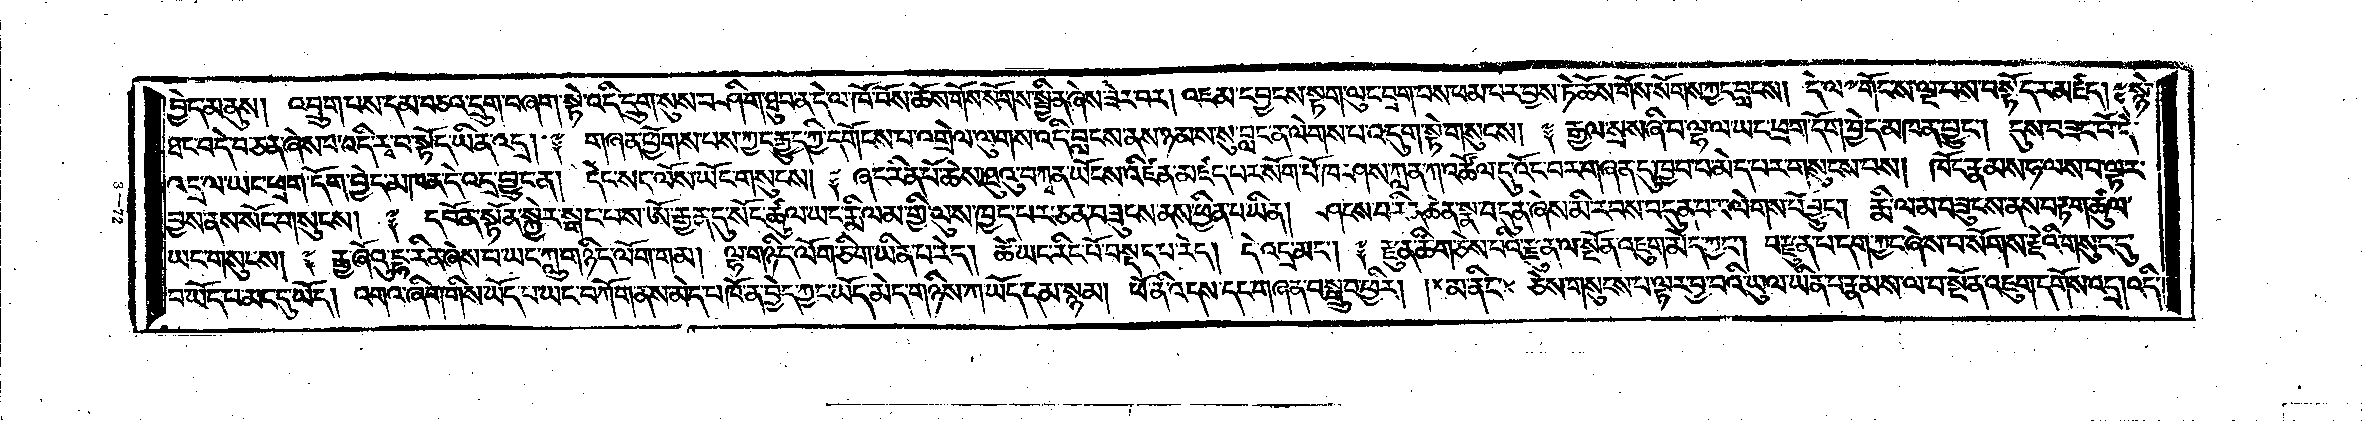བྱེད་མ་ནུས། འབྲུག་པས་དམ་བཅའ་དྲུག་བཞག་སྟེ་འདི་དྲུག་སུས་བཤིག་ཐུབ་ན་དེ་ལ་ཁོ་བོས་ཆོས་གོས་སོགས་སྦྱིན་ཞེས་ཟེར་བར། འཇམ་དབྱངས་སྟག་ལུང་བྲག་བས་ཕམ་པར་བྱས་ཏེ་ཆོས་གོས་སོགས་ཀྱང་བླངས། དེ་ལ ༧གོང་ས་ལྔ་པས་བསྟོད་ར་མཛད། ༈ སྙེ་
ཐང་བདེ་བ་ཅན་ཞེས་པ་འདི་རྭ་བ་སྟོད་ཡིན་འདྲ། ༈ གཞན་ཕྱོགས་པས་ཀྱང་རྒྱུད་ཀྱི་དགོངས་པ་འགྲེལ་ལུགས་འདི་བླངས་ནས་ཉམས་སུ་བླང་ན་ལེགས་པ་འདུག་སྟེ་གསུངས། ༈ རྒྱལ་སྲས་ཞི་བ་ལྷ་ལ་ཡང་ཕྲག་དོག་བྱེད་མཁན་བྱུང་། དུས་བཟང་པོ་དེ་
འདྲ་ལ་ཡང་ཕྲག་དོག་བྱེད་མཁན་དེ་འདྲ་བྱུང་ན། དེང་སང་ལོས་ཡོང་གསུངས། ༈ ཞང་རིན་པོ་ཆེས་ཐུའུ་བཀྭན་ཡོངས་འཛིན་མཛད་པར་སོག་པོ་ཁ་ཤས་ཀླན་ཀ་འཚོལ་དུ་འོང་བར་གཞན་དུ་ཁྱབ་པ་མེད་པར་གསུངས་པས། ཁོང་རྣམས་ཧ་ལས་པ་ལྟར་
བྱས་ནས་སོང་གསུངས། ༈ དབོན་སྟོན་སྐྱེར་སྒང་པས་ཨོ་རྒྱན་དུ་སོང་ཚུལ་ཡང་རྨི་ལམ་གྱི་ལུས་ཁྱད་པར་ཅན་བཟུངས་ནས་ཕྱིན་པ་ཡིན། ཤངས་པ་རིན་ཆེན་སྣ་བདུན་ཞེས་མི་རབས་བདུན་པར་ལེགས་པོ་བྱུང་། རྨི་ལམ་བཟུངས་ནས་བརྟག་ཚུལ་
ཡང་གསུངས། ༈ རྒྱ་ཞོའུ་དྷ་རིན་ཞེས་པ་ཡང་ཀླུ་གཉིད་ལོག་གམ། ལྷ་གཉིད་ལོག་ཅིག་ཡིན་པ་རེད། ཚེ་ཡང་རིང་པོ་བསྡད་པ་རེད། དེ་འདྲ་མང་། ༈ རྫུན་ཚིག་ཅེས་པའི་རྫུན་ལ་སྔོན་འཇུག་མེད་ཀྱང་། བརྫུན་པ་དག་ཀྱང་ཞེས་པ་སོགས་རྗེའི་གསུང་དུ་
བ་ཡོད་པ་མང་དུ་ཡོད། འགའ་ཞིག་གིས་ཡོད་པ་ཡང་བཀོག་ནས་མེད་པ་ཁོ་ན་བྱེད་ཀྱང་ཡོད་མེད་གཉིས་ཀ་ཡོད་དམ་སྙམ། ཕོ་ནི་འདས་དང་གཞན་བསྒྲུབ་ཕྱིར། །྾་མ་ནིང྾་ཅེས་གསུངས་པ་ལྟར་བྱ་བའི་ཡུལ་ཡིན་པ་རྣམས་ལ་བ་སྔོན་འཇུག་དགོས་འདྲ། འདི་